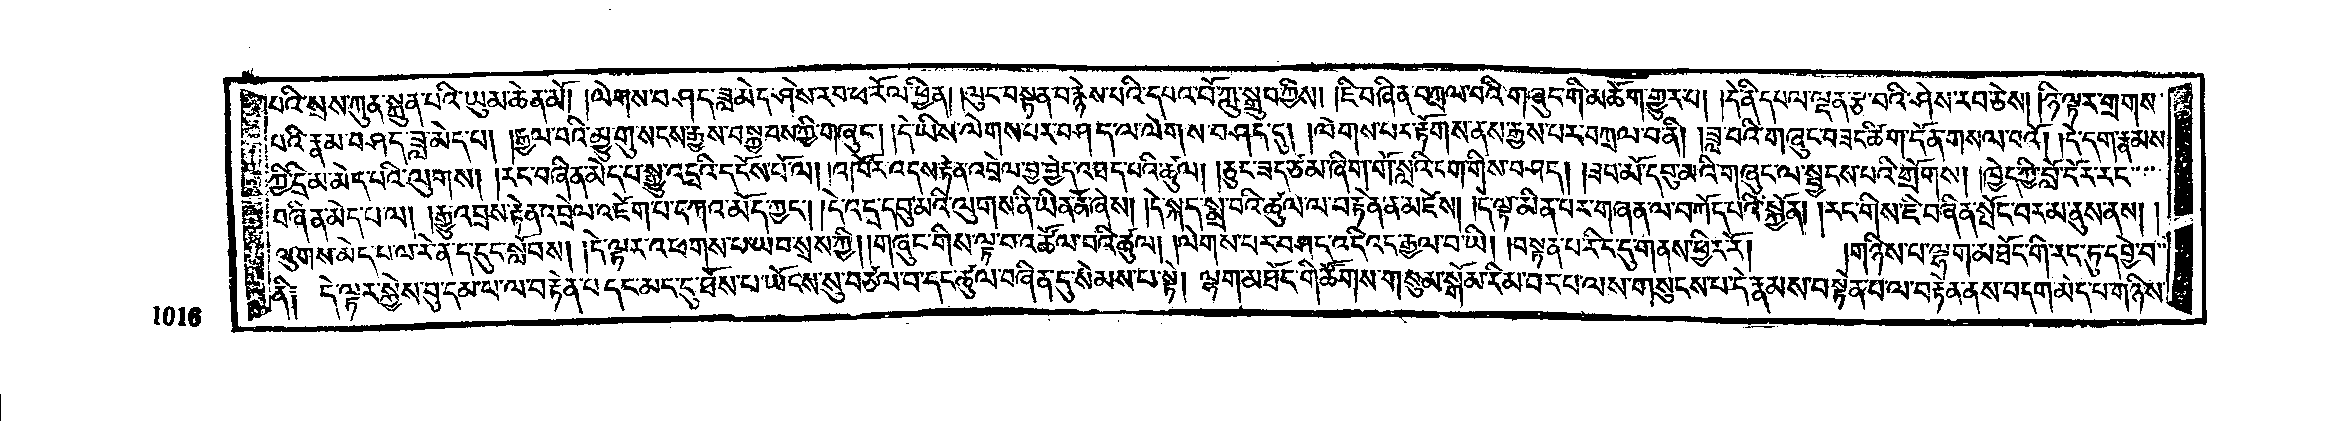པའི་སྲས་ཀུན་སྐྲུན་པའི་ཡུམ་ཆེན་མོ། །ལེགས་བཤད་ཟླ་མེད་ཤེས་རབ་ཕ་རོལ་ཕྱིན། །ལུང་བསྟན་བརྙེས་པའི་དཔའ་བོ་ཀླུ་སྒྲུབ་ཀྱིས། །ཇི་བཞིན་བཀྲལ་བའི་གཞུང་གི་མཆོག་གྱུར་པ། །དེ་ནི་དཔལ་ལྡན་རྩ་བའི་ཤེས་རབ་ཅེས། །ཉི་ལྟར་གྲགས་
པའི་རྣམ་བཤད་ཟླ་མེད་པ། །རྒྱལ་བའི་མྱུ་གུ་སངས་རྒྱས་བསྐྱངས་ཀྱི་གཞུང་། །དེ་ཡིས་ལེགས་པར་བཤད་ལ་ལེགས་བཤད་དུ། །ལེགས་པར་རྟོགས་ནས་རྒྱས་པར་བཀྲལ་བ་ནི། །ཟླ་བའི་གཞུང་བཟང་ཚིག་དོན་གསལ་བའོ། །དེ་དག་རྣམས་
ཀྱི་དྲི་མ་མེད་པའི་ལུགས། །རང་བཞིན་མེད་པ་སྒྱུ་འདྲའི་དངོས་པོ་ལ། །འཁོར་འདས་རྟེན་འབྲེལ་བྱ་བྱེད་འཐད་པའི་ཚུལ། །ཅུང་ཟད་ཙམ་ཞིག་གོ་སླའི་ངག་གིས་བཤད། །ཟབ་མོ་དབུ་མའི་གཞུང་ལ་སྦྱངས་བའི་གྲོགས། །ཁྱེད་ཀྱི་བློ་ངོར་རང་
བཞིན་མེད་པ་ལ། །རྒྱུ་འབྲས་རྟེན་འབྲེལ་འཇོག་པ་དཀའ་མོད་ཀྱང་། །དེ་འདྲ་དབུ་མའི་ལུགས་ནི་ཡིན་ནོ་ཞེས། །དེ་སྐད་སྨྲ་བའི་ཚུལ་ལ་བརྟེན་ན་མཛེས། །དེ་ལྟ་མིན་པར་གཞན་ལ་བཀོད་པའི་སྐྱོན། །རང་གིས་ཇི་བཞིན་སྤོང་བར་མ་ནུས་ནས། །
ལུགས་མེད་པ་ལ་རེ་ན་ད་དུང་སློབས། །དེ་ལྟར་འཕགས་པ་ཡབ་སྲས་ཀྱི། །གཞུང་གིས་ལྟ་བ་འཚོལ་བའི་ཚུལ། །ལེགས་པར་བཤད་འདིའང་རྒྱལ་བ་ཡི། །བསྟན་པ་རིང་དུ་གནས་ཕྱིར་རོ། །གཉིས་པ་ལྷག་མཐོང་གི་རབ་ཏུ་དབྱེ་བ་
ནི༑ དེ་ལྟར་སྐྱེས་བུ་དམ་པ་ལ་བརྟེན་པ་དང་མང་དུ་ཐོས་པ་ཡོངས་སུ་བཙལ་བ་དང་ཚུལ་བཞིན་དུ་སེམས་པ་སྟེ། ལྷག་མཐོང་གི་ཚོགས་གསུམ་སྒོམ་རིམ་བར་པ་ལས་གསུངས་པ་དེ་རྣམས་བསྟེན་པ་ལ་བརྟེན་ནས་བདག་མེད་པ་གཉིས་